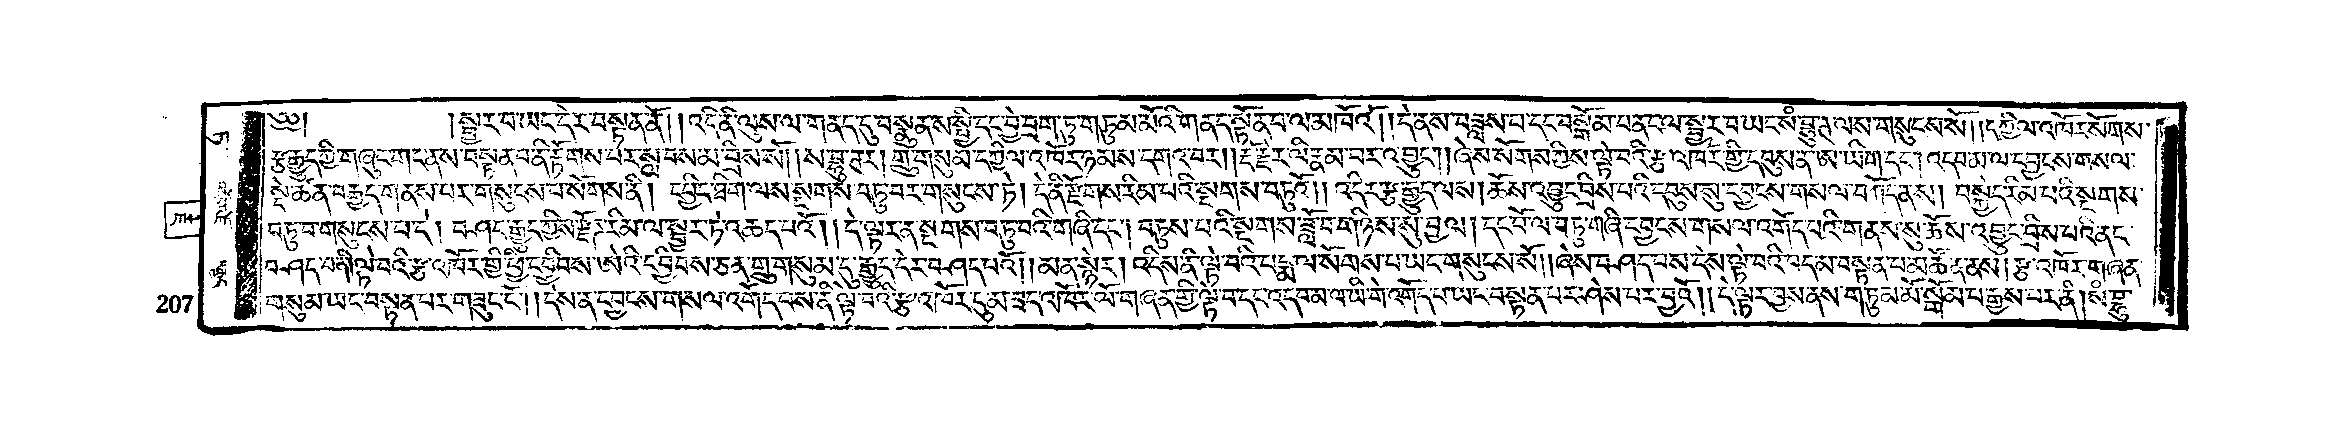༄༅། །སྦྱར་བ་ཡང་དེར་བསྟན་ནོ། །འདི་ནི་ལུས་ལ་གནད་དུ་བསྣུན་ས་སྤྱི་དང་བྱེ་བྲག་ཏུ་གཏུམ་མོའི་གནད་སྟོན་པ་ལ་མཁོའོ། །དེ་ནས་བཟླས་པ་དང་བསྒོམ་པ་ནང་ལ་སྦྱར་བ་ཡང་སཾ་བྷུ་ཊ་ལས་གསུངས་སོ། །དཀྱིལ་འཁོར་སོགས་
རྩ་རྒྱུད་ཀྱི་གཞུང་གང་ནས་བསྟན་པ་ནི་རྟོགས་པར་སླ་བས་མ་བྲིས་སོ། །སཾ་བྷུ་ཊར། གྲུ་གསུམ་དཀྱིལ་འཁོར་ཉམས་དགའ་བར། །རྡོ་རྗེར་ལི་རྣམ་པར་འབྱུང་། །ཞེས་སོགས་ཀྱིས་ལྟེ་བའི་རྩ་འཁོར་གྱི་དབུས་ན་ཨ་ཡིག་དང་། འདབ་མ་ལ་དབྱངས་གསལ་
སྡེ་ཚན་བརྒྱད་གནས་པར་གསུངས་པ་སོགས་ནི། དཔྱིད་ཐིག་ལས་སྔགས་བཏུ་བར་གསུངས་ཏེ། དེ་ནི་རྫོགས་རིམ་པའི་སྔགས་བཏུའོ། །འདིར་རྩ་རྒྱུད་ལས། ཆོས་འབྱུང་བྲིས་པའི་དབུས་སུ་དབྱངས་གསལ་བཀོད་ནས། བསྐྱེད་རིམ་པའི་སྔགས་
བཏུ་བ་གསུངས་པ་དེ། བཤད་རྒྱུད་ཀྱིས་རྫོགས་རིམ་ལ་སྦྱར་ཏེ་འཆད་པའོ། །དེ་ལྟར་ན་སྔགས་བཏུ་བའི་གཞི་དང་། བཏུས་པའི་སྔགས་ཟློ་བ་གཉིས་སུ་བྱ་ལ། དང་པོ་ལ་བཏུ་གཞི་དབྱངས་གསལ་འགོད་པའི་གནས་སུ་ཆོས་འབྱུང་བྲིས་པའི་ནང་
བཤད་པ་ནི། ལྟེ་བའི་རྩ་འཁོར་གྱི་ཕྱི་དབྱིབས་ཨེའི་དབྱིབས་ཅན་གྲུ་གསུམ་དུ་རྒྱུད་དེར་བཤད་པའོ། །མན་སྙེར། འདིས་ནི་ལྟེ་བའི་པདམ་ལ་སོགས་པ་ཡང་གསུངས་སོ། །ཞེས་བཤད་པས་དེས་ལྟེ་བའི་པད་མ་བསྟན་པ་མཚོན་ནས། རྩ་འཁོར་གཞན་
གསུམ་ཡང་བསྟན་པར་གཟུང་ངོ། །དེས་ན་དབྱངས་གསལ་འགོད་པས་ནི་ལྟེ་བའི་རྩ་འཁོར་དུ་མ་ཟད་འཁོར་ལོ་གཞན་གྱི་ལྟེ་བ་དང་འདབ་མ་ལ་ཡི་གེ་འགོད་པ་ཡང་བསྟན་པར་ཤེས་པར་བྱའོ། །དེ་ལྟར་བྱས་ནས་གཏུམ་མོ་སྒོམ་པ་རྒྱས་པར་ནི། སཾ་བྷུ་